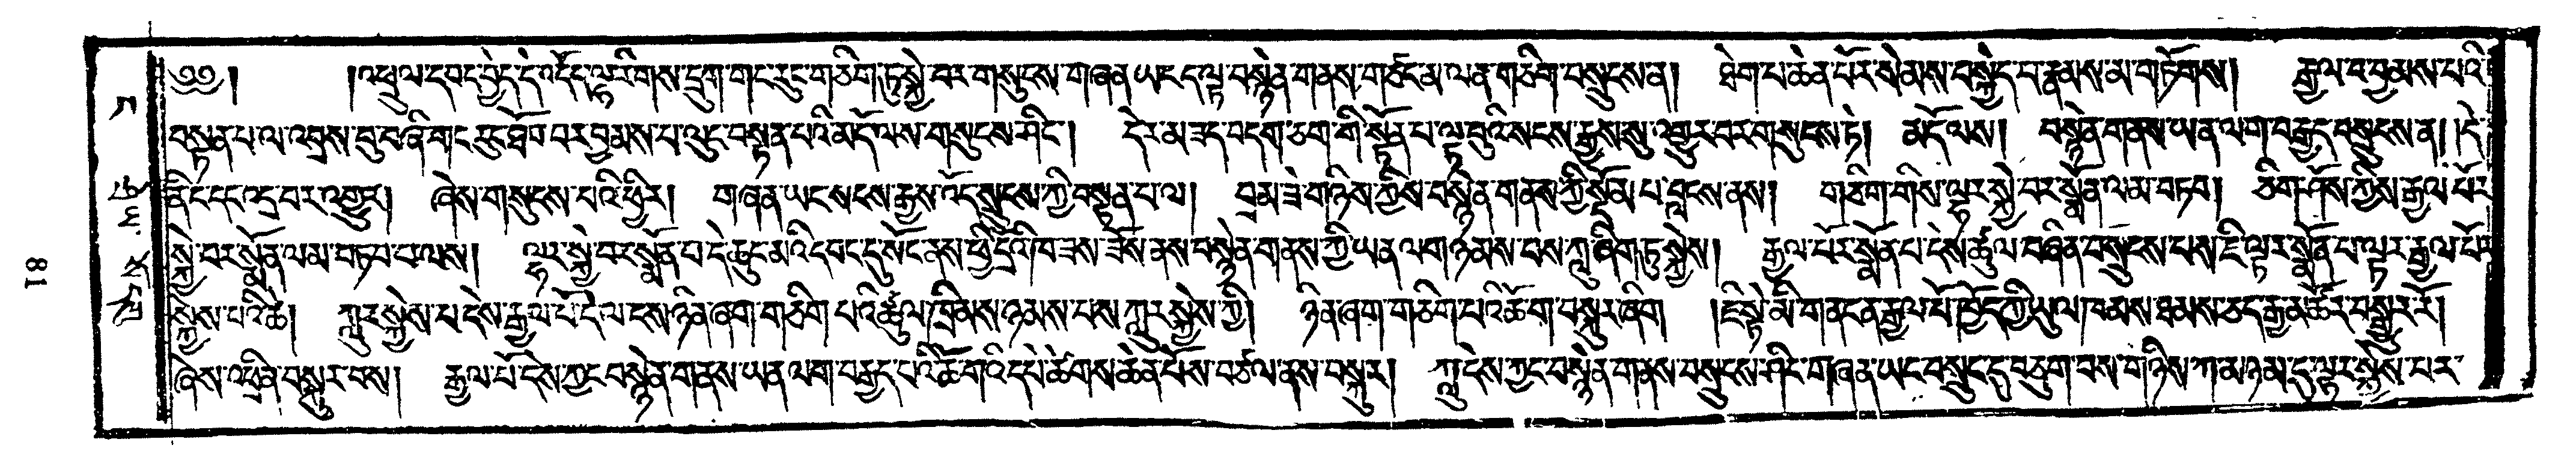༄༅། །འཕྲུལ་དབང་བྱེད་དེ་འདོད་ལྷ་རིགས་དྲུག་གང་རུང་གཅིག་ཏུ་སྐྱེ་བར་གསུངས་གཞན་ཡང་ད་ལྟ་བསྙེན་གནས་གཙང་མ་ལན་གཅིག་བསྲུངས་ན། ཐེག་པ་ཆེན་པོར་སེམས་བསྐྱེད་པ་རྣམས་མ་གཏོགས། རྒྱལ་བ་བྱམས་པའི་
བསྟན་པ་ལ་འབྲས་བུ་བཞི་གང་རུང་ཐོབ་བར་བྱམས་པ་ལུང་བསྟན་པའི་མདོ་ལས་གསུངས་ཤིང་། དེར་མ་ཟད་བདག་ཅག་གི་སྟོན་པ་ལྟ་བུའི་སངས་རྒྱས་སུ་འགྱུར་བར་གསུངས་ཏེ། མདོ་ལས། བསྙེན་གནས་ཡན་ལག་བརྒྱད་བསྲུངས་ན། །དེ་
ནི་ང་དང་འདྲ་བར་འགྱུར། ཞེས་གསུངས་པའི་ཕྱིར། གཞན་ཡང་སངས་རྒྱས་འོད་སྲུངས་ཀྱི་བསྟན་པ་ལ། བྲམ་ཟེ་གཉིས་ཀྱིས་བསྙེན་གནས་ཀྱི་སྡོམ་པ་བླངས་ནས། གཅིག་གིས་ལྷར་སྐྱེ་བར་སྨོན་ལམ་བཏབ། ཅིག་ཤོས་ཀྱིས་རྒྱལ་པོར་
སྐྱེ་བར་སྨོན་ལམ་བཏབ་པ་ལས། ལྷར་སྐྱེ་བར་སྨོན་པ་དེ་ཆུང་མའི་དབང་དུ་སོང་ནས་ཕྱི་དྲོའི་ཁ་ཟས་ཟོས་ནས་བསྙེན་གནས་ཀྱི་ཡན་ལག་ཉམས་བས་ཀླུ་ཞིག་ཏུ་སྐྱེས། རྒྱལ་པོར་སྨོན་པ་དེས་ཚུལ་བཞིན་བསྲུངས་པས་ཇི་ལྟར་སྨོན་པ་ལྟར་རྒྱལ་པོར་
སྐྱེས་པའི་ཚེ། ཀླུར་སྐྱེས་པ་དེས་རྒྱལ་པོ་དེ་ལ་ངས་ཉིན་ཞག་གཅིག་པའི་ཚུལ་ཁྲིམས་ཉམས་པས་ཀླུར་སྐྱེས་ཀྱི། ཉིན་ཞག་གཅིག་པའི་ཆོ་ག་བསྐུར་ཞིག །ཇི་སྟེ་མི་གནང་ན་རྒྱལ་པོ་ཁྱོད་ཀྱི་ཡུལ་ཁམས་ཐམས་ཅད་རྒྱ་མཚོར་བསྒྱུར་རོ།
ཞེས་འཕྲིན་བསྐུར་བས། རྒྱལ་པོ་དེས་ཀྱང་བསྙེན་གནས་ཡན་ལག་བརྒྱད་པའི་ཆོ་གའི་དཔེ་ཚེགས་ཆེན་པོས་བཙལ་ནས་བསྐུར། ཀླུ་ངེས་ཀྱང་བསྙེན་གནས་བསྲུངས་ཤིང་གཞན་ཡང་བསྲུང་དུ་བཅུག་པས་གཉིས་ཀ་མཉམ་དུ་ལྟར་སྐྱེས་པར་